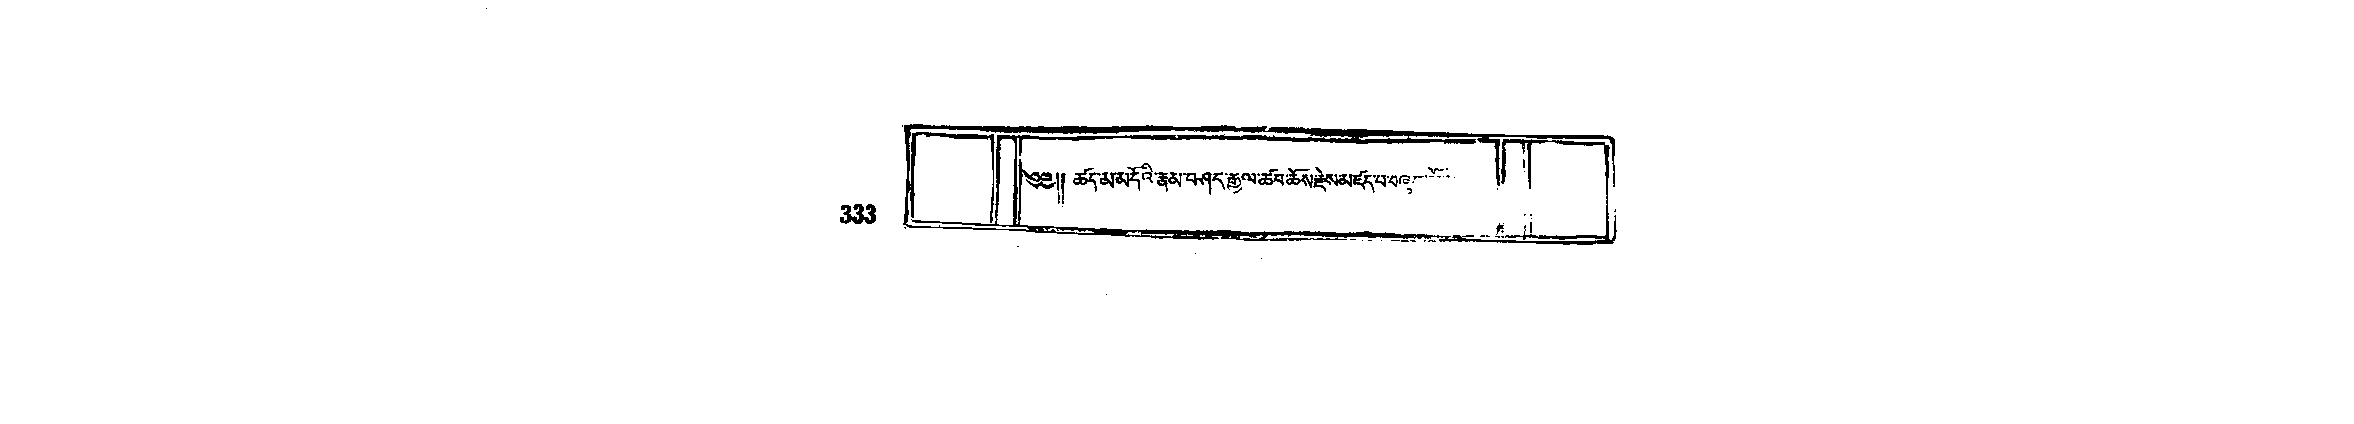༄༅། །ཚད་མ་མདོའི་རྣམ་བཤད་རྒྱལ་ཚབ་ཆོས་རྗེས་མཛད་པ་བཞུགས་སོ། །